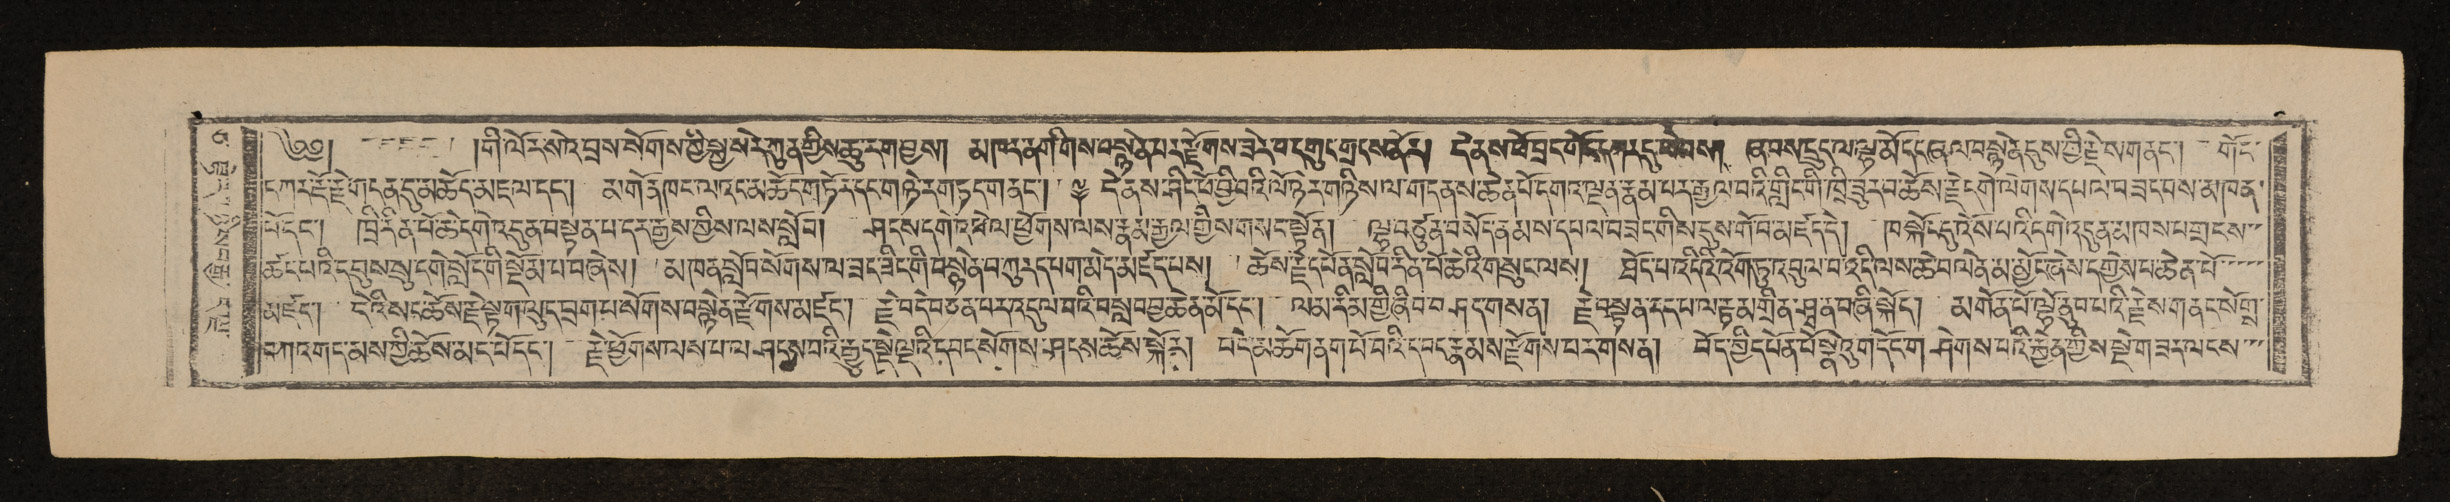༄༅། །གི་ལོར་སེ་འབྲས་སོགས་ཀྱི་སྐྱ་སེར་ཀུན་གྱིས་ཆུ་རག་བྱས། མཁར་ནག་གིས་བསྙེན་པར་རྫོགས་ཟེར་བ་དགུང་གྲངས་ནོར། དེ་ནས་ཕོ་བྲང་གོང་དཀར་དུ་ཕེབས། ཞབས་དྲུང་ལ་ལྷ་མོ་དང་ཞལ་བསྙེན་དུས་ཀྱི་རྗེས་གནང་། གོང་
དཀར་རྡོ་རྗེ་གདན་དུ་མཆོད་མཇལ་དང་། མགོན་ཁང་ལའང་མཆོད་གཏོར་དང་གཉེར་གཏད་གནང་། ༈ དེ་ནས་ཤིང་ཕོ་བྱི་བའི་ལོ་ཉེར་གཉིས་ལ་གདན་ས་ཆེན་པོ་དགའ་ལྡན་རྣམ་པར་རྒྱལ་བའི་གླིང་གི་ཁྲི་ཟུར་བ་ཆོས་རྗེ་དགེ་ལེགས་དཔལ་བཟང་བས་མཁན་
པོ་དང་། ཁྲི་རིན་པོ་ཆེ་དགེ་འདུན་བསྟན་པ་དར་རྒྱས་ཀྱིས་ལས་སློབ། ཤངས་དགེ་འཕེལ་ཕྱོགས་ལས་རྣམ་རྒྱལ་གྱིས་གསང་སྟོན། ལྷ་བཙུན་བསོད་ནམས་དཔལ་བཟང་གིས་དུས་གོ་བ་མཛད་དེ། ཁ་སྐོང་དུ་འོས་པའི་དགེ་འདུན་མཁས་པ་གྲངས་
ཚང་བའི་དབུས་སུ་དགེ་སློང་གི་སྡོམ་པ་བཞེས། མཁན་སློབ་སོགས་ལ་ཟང་ཟིང་གི་བསྙེན་བཀུར་དཔག་མེད་མཛད་པས། ཆོས་རྗེ་དཔོན་སློབ་རིན་པོ་ཆེའི་གསུང་ལས། ཐོད་པ་འདིའི་འོག་ཏུ་འབུལ་བ་འདི་ལས་ཆེ་བ་ལེན་མ་མྱོང་ཞེས་དགྱེས་པ་ཆེན་པོ་
མཛད། དེའི་སང་ཆོས་རྗེ་སྟག་ལུང་བྲག་པ་སོགས་བསྙེན་རྫོགས་མཛད། རྗེ་བདེ་བ་ཅན་བར་འདུལ་བའི་བསླབ་བྱ་ཆེན་མོ་དང་། ལམ་རིམ་གྱི་ཞི་བ་བཤད་གསན། རྗེ་བསྟན་དར་བ་ལ་རྟ་མགྲིན་ཤྭ་ན་བཞི་སྐོར། མགོན་པོ་ལྷོ་ནུབ་པའི་རྗེས་གནང་སོགས་
བཀའ་གདམས་ཀྱི་ཆོས་མང་པོ་དང་། རྗེ་ཕྱོགས་ལས་པ་ལ་ཤངས་པའི་རྒྱུད་སྡེ་ལྔའི་དབང་སོགས་ཤངས་ཆོས་སྐོར། བདེ་མཆོག་ནག་པོ་བའི་དབང་རྣམས་རྫོགས་པར་གསན། བོད་ཀྱི་དཔོན་པོ་སྣེའུ་གདོང་གཤེགས་པའི་རྐྱེན་གྱིས་སྡེ་གཟར་ལངས་